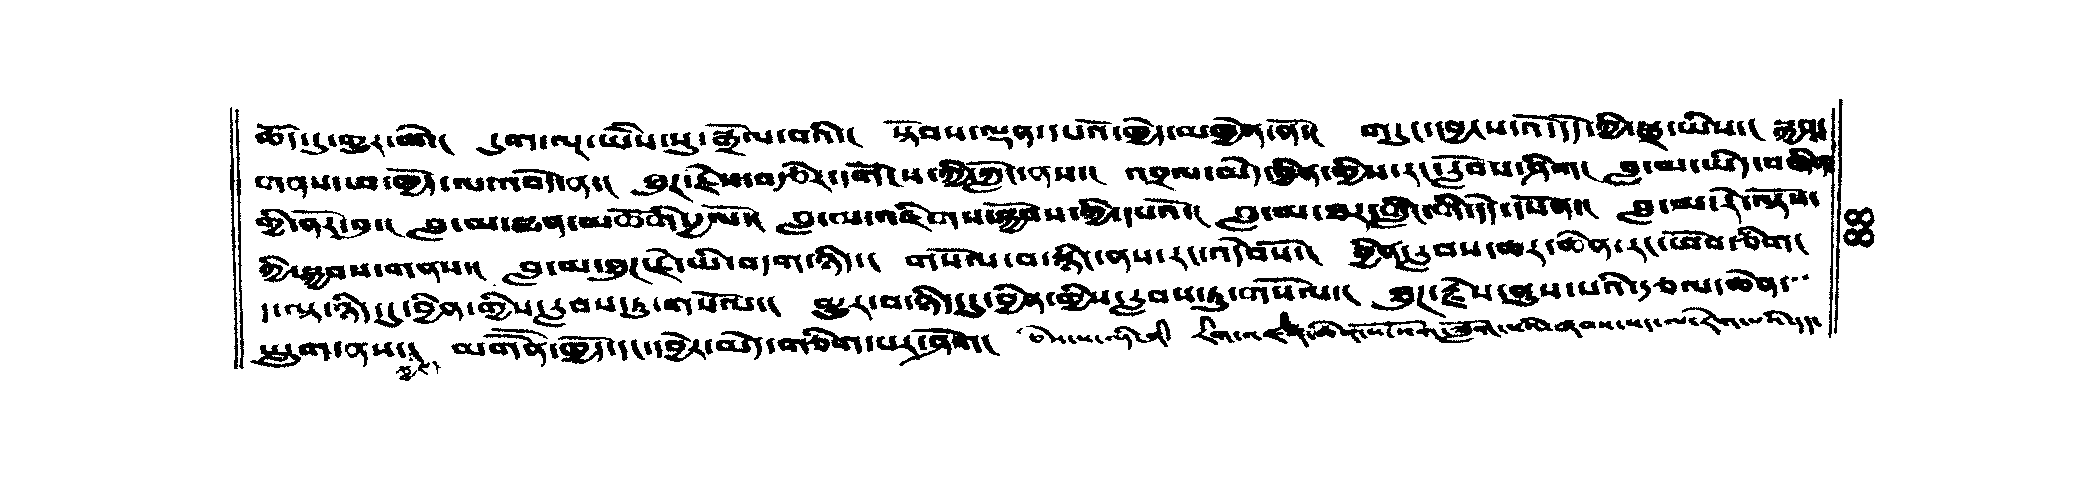ཆོད་དུ་གྱུར་ཚེ། །དུག་ལྡང་ཡེ་ཤེས་སུ་སྒྲོལ་བའི། །སྟོབས་ལྡན་དཔའ་བོ་ཁྱེད་མཁྱེན་ནོ། །གདུང་དབྱངས་འོ་དོད་ཀྱི་སྒྲ་ཡིས། །སྐྱབས་
གནས་ཕ་ཁྱོད་ལ་འབོད་ན། །ཐུགས་རྗེས་བརྩེར་དགོངས་ཀྱི་ཀློང་ནས། །འབྲལ་མེད་བྱིན་གྱིས་རང་རློབས་ཤིག །བླ་མ་ཡིད་བཞིན་
གྱི་ནོར་བུ། །བླ་མ་སྨན་མཆོག་གི་རྒྱལ་པོ། །བླ་མ་འཇིགས་སྐྱོབས་ཀྱི་དཔའ་བོ། །བླ་མ་ཐར་གླིང་གི་དེད་དཔོན། །བླ་མ་རེ་ལྟོས་
ཀྱི་སྐྱབས་གནས། །བླ་མ་ཐུགས་རྗེ་ཡི་བདག་ཉིད། །གསོལ་བ་སྙིང་ནས་རང་འདེབས་སོ། །བྱིན་རླབས་ཆར་ཆེན་རང་ཕོབ་ཅིག །
ད་ལྟ་ཉིད་དུ་བྱིན་གྱིས་བརླབ་ཏུ་གསོལ། །མྱུར་བ་ཉིད་དུ་བྱིན་གྱིས་བརླབ་ཏུ་གསོལ། །ཐུགས་རྗེས་ནུས་པའི་རྩལ་ཆེན་
སྤྲུགས་ནས་ཀྱང་། །མགོན་པོ་ཁྱོད་དང་དབྱེར་མེད་གཅིག་པར་ཤོག ཅེས་པ་འདི་ནི་རིག་འཛིན་ཆེན་པོ་སོག་ཟློག་པའི་ཞབས་པད་ལ་རེག་པའི་དད་